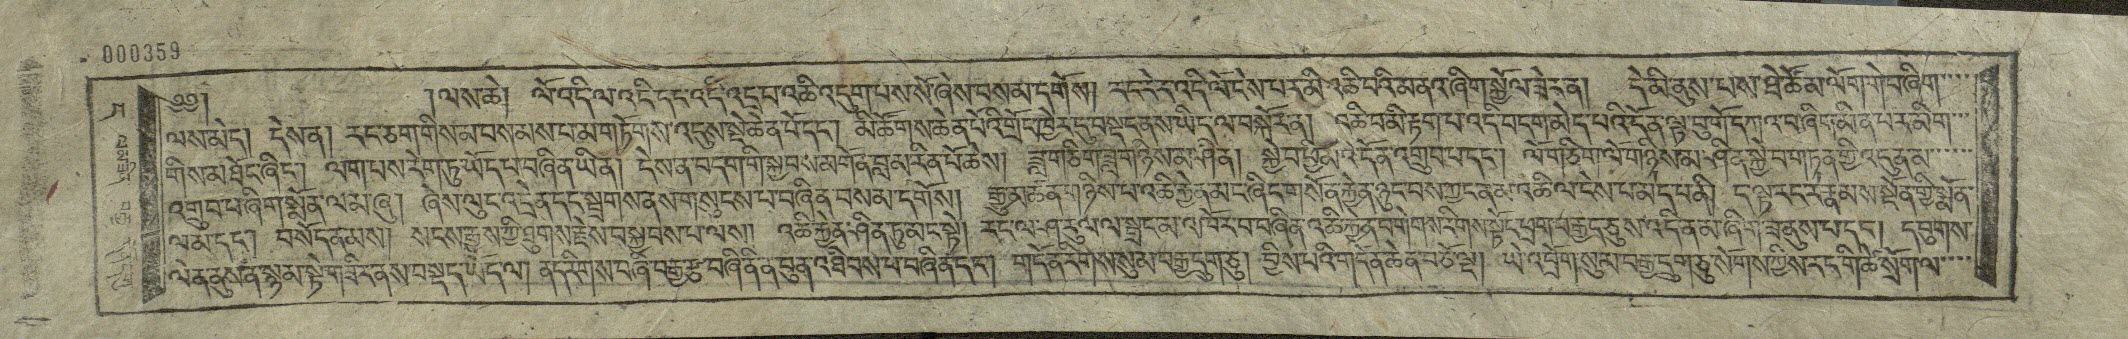༄༅། །ལས་ཆེ། ལོ་འདི་ལ་འདི་དང་འདི་འདྲ་བ་འཆི་འདུག་པས་སོ་ཞེས་བསམ་དགོས། རང་རེར་འདི་ལོ་ངེས་པར་མི་འཆི་བའི་མནའ་ཞིག་སྐྱོལ་ཟེར་ན། དེ་མི་ནུས་པས་ཐེ་ཚོམ་ལོག་གེ་བ་ཞིག་
ལས་མེད། དེས་ན། རང་ཅག་གིས་མ་བསམས་པ་མ་གཏོགས་འདུས་སྡེ་ཆེན་པོ་དང་། མི་ཚོགས་ཆེན་པོའི་གྲོང་ཁྱེར་དུ་བསྡད་ནས་ཡིད་ལ་བསྐོར་ན། འཆི་བ་མི་རྟག་པ་འདི་བདག་མེད་པའི་དོན་ལྟ་བུ་གོ་དཀའ་བ་ཞིག་མིན་པར་མིག་
གིས་མཐོང་ཞིང་། ལག་པས་རེག་ཏུ་ཡོད་པ་བཞིན་ཡིན། དེས་ན་བདག་གི་སྐྱབས་མགོན་བླ་མ་རིན་པོ་ཆེས། ཟླ་གཅིག་ཟླ་གཉིས་མ་ཤི་ན། སྐྱེ་བ་ཕྱི་མའི་དོན་འགྲུབ་པ་དང་། ལོ་གཅིག་ལོ་གཉིས་མ་ཤི་ན་སྐྱེ་བ་གཏན་གྱི་འདུན་མ་
འགྲུབ་པ་ཞིག་སྨོན་ལམ་ཞུ། ཞེས་ལུང་འདྲེན་དང་སྦྲགས་ནས་གསུངས་པ་བཞིན་བསམ་དགོས། རྒྱུ་མཚན་གཉིས་པ་འཆི་རྐྱེན་མང་ཞིང་གསོན་རྐྱེན་ཉུང་བས་ཀྱང་ནམ་འཆི་ལ་ངེས་པ་མེད་པ་ནི། ད་ལྟ་རང་རེ་རྣམས་སྔོན་གྱི་སྨོན་
ལམ་དང་། བསོད་ནམས། སངས་རྒྱས་ཀྱི་ཐུགས་རྗེས་བསྐྱབས་པ་ལས། འཆི་རྐྱེན་ཤིན་ཏུ་མང་སྟེ། རང་ལ་ཤ་རུལ་ལ་སྦྲང་མ་འཁོར་བ་བཞིན་འཆི་རྐྱེན་བགེགས་རིགས་སྟོང་ཕྲག་བརྒྱད་ཅུས་འདི་ནམ་ཞིག་ཟ་ནུས་པ་དང་། དབུགས་
ལེན་ནུས་ན་སྙམ་སྟེ་གཟིར་ནས་བསྡད་ཡོད་ལ། ནད་རིགས་བཞི་བརྒྱ་རྩ་བཞི་ནི་ན་བུན་འཐིབས་པ་བཞིན་དང་། གདོན་རིགས་སུམ་བརྒྱ་དྲུག་ཅུ། བྱིས་པའི་གདོན་ཆེན་བཅོ་ལྔ། ཡེ་འབྲོག་སུམ་བརྒྱ་དྲུག་ཅུ་སོགས་ཀྱིས་རང་གི་ཚེ་སྲོག་ལ་